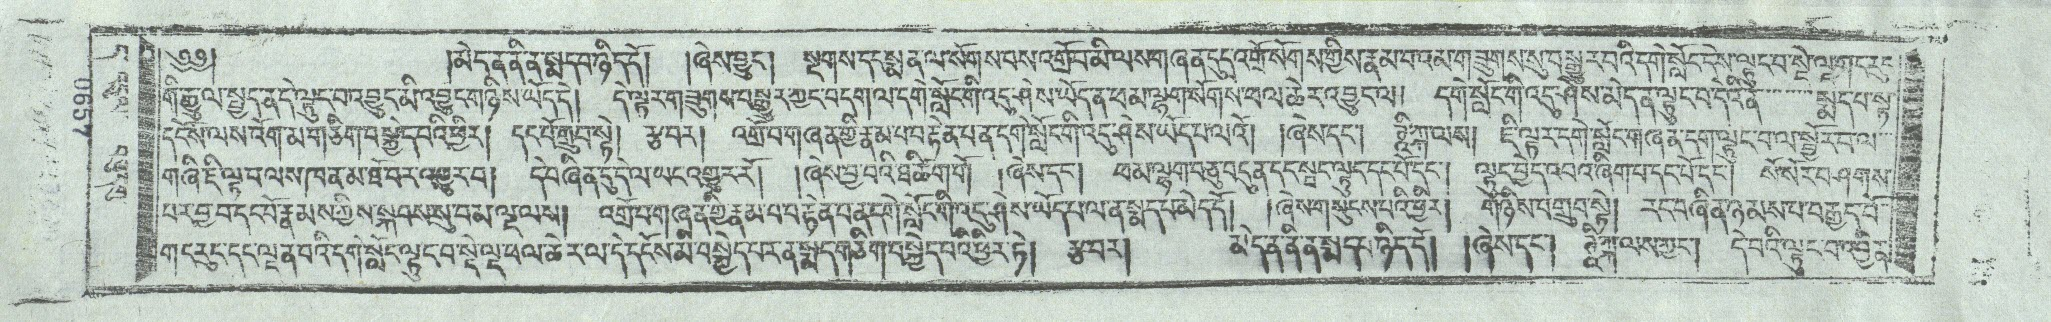༄༅། །མེད་ན་ནི་ན་སྨད་པ་ཉིད་དོ། །ཞེས་བྱུང་། སྔགས་དང་སྨན་ལ་སོགས་པས་འགྲོ་བ་མི་ལས་གཞན་དུད་འགྲོ་སོགས་ཀྱིས་རྣམ་པ་འམ་གཟུགས་སུ་བསྒྱུར་བའི་དགེ་སློང་དེས་ལྟུང་བ་སྡེ་ལྔ་གང་རུང་
གི་རྒྱུ་ལ་སྤྱད་ན་དེ་ལྟུང་བ་འབྱུང་མི་འབྱུང་གཉིས་ཡོད་དེ། དེ་ལྟར་གཟུགས་བསྒྱུར་ཀྱང་བདག་ལ་དགེ་སློང་གི་འདུ་ཤེས་ཡོད་ན་ཕམ་ལྷག་སོགས་ཕལ་ཆེར་འབྱུང་ལ། དགེ་སློང་གི་འདུ་ཤེས་མེད་ན་ལྟུང་བ་དེའི་ན་སྨད་པ་སྟེ་
དངོས་ལས་འོག་མ་གཅིག་བསྐྱེད་པའི་ཕྱིར། དང་པོ་གྲུབ་སྟེ། རྩ་བར། འགྲོ་བ་གཞན་གྱི་རྣམ་པ་བརྟེན་པ་ན་དགེ་སློང་གི་འདུ་ཤེས་ཡོད་པ་ལའོ། །ཞེས་དང་། ཊཱིཀྐ་ལས། ཇི་ལྟར་དགེ་སློང་གཞན་དག་ལྟུང་བ་ལ་སྦྱོར་བ་ལ་
གཞི་ཇི་ལྟ་བ་ལས་ཁ་ན་མ་ཐོ་བར་འགྱུར་བ། དེ་བཞིན་དུ་དེ་ལ་ཡང་འགྱུར་རོ། །ཞེས་བྱ་བའི་ཐ་ཚིག་གོ །ཞེས་དང་། ཕམ་ལྷག་བཅུ་བདུན་དང་སྤང་ལྟུང་དང་པོ་དང་། ལྟུང་བྱེད་འབའ་ཞིག་པ་དང་པོ་དང་། སོ་སོར་བཤགས་
པར་བྱ་བ་དང་པོ་རྣམས་ཀྱིས་སྐབས་སུ་བམ་ལྔ་ལས། འགྲོ་བ་གཞན་གྱི་རྣམ་པ་བརྟེན་བ་ན་དགེ་སློང་གི་འདུ་ཤེས་ཡོད་པ་ལ་ན་སྨད་པ་མེད་དོ། །ཞེས་གསུངས་པའི་ཕྱིར། གཉིས་པ་གྲུབ་སྟེ། རང་བཞིན་ཉམས་པ་བརྒྱད་པོ་
གང་རུང་དང་ལྡན་པའི་དགེ་སློང་ལྟུང་བ་སྡེ་ལྔ་ཕལ་ཆེར་ལ་དེ་དངོས་མི་བསྐྱེད་པར་ན་སྨད་གཅིག་བསྐྱེད་པའི་ཕྱིར་ཏེ། རྩ་བར། མེད་ན་ནི་ན་སྨད་པ་ཉིད་དོ། །ཞེས་དང་། ཊཱིཀྐ་ལས་ཀྱང་། དེ་བའི་ལྟུང་བ་འབྱིན་